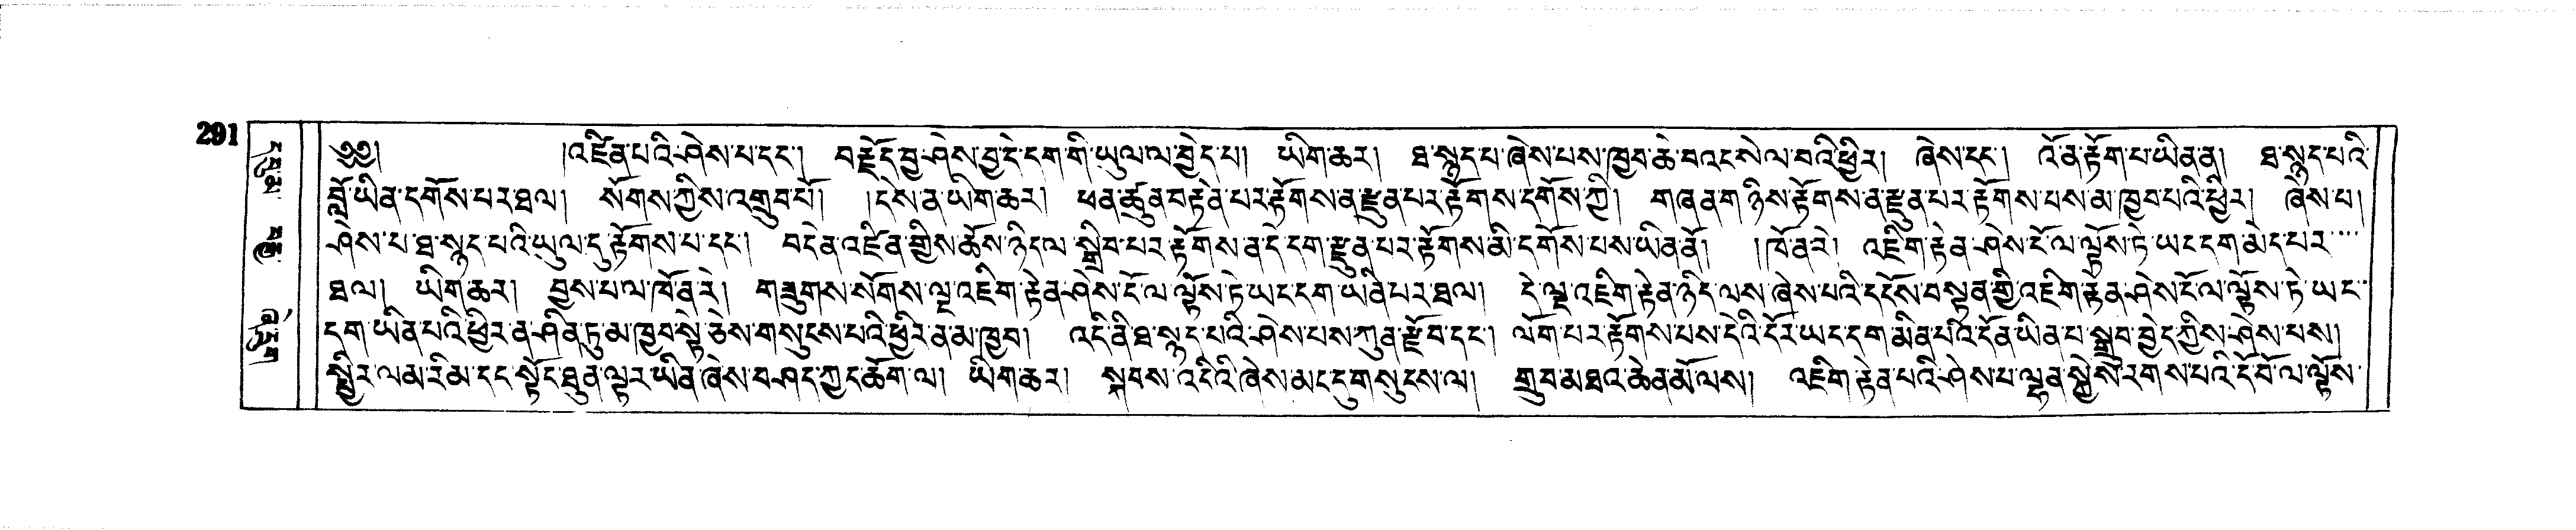༄༅། །འཛིན་པའི་ཤེས་པ་དང་། བརྗོད་བྱ་ཤེས་བྱ་དེ་དག་གི་ཡུལ་ལ་བྱེད་པ། ཡིག་ཆར། ཐ་སྙད་པ་ཞེས་པས་ཁྱབ་ཆེ་བའང་སེལ་བའི་ཕྱིར། ཞེས་དང་། འོ་ན་རྟོག་པ་ཡིན་ན། ཐ་སྙད་པའི་
བློ་ཡིན་དགོས་པར་ཐལ། སོགས་ཀྱིས་འགྲུབ་པོ། །དེས་ན་ཡིག་ཆར། ཕན་ཚུན་བརྟེན་པར་རྟོགས་ན་རྫུན་པར་རྟོགས་དགོས་ཀྱི། གཞན་གཉིས་རྟོགས་ན་རྫུན་པར་རྟོགས་པས་མ་ཁྱབ་པའི་ཕྱིར། ཞེས་པ།
ཤེས་པ་ཐ་སྙད་པའི་ཡུལ་དུ་རྟོགས་པ་དང་། བདེན་འཛིན་གྱིས་ཆོས་ཉིད་ལ་སྒྲིབ་པར་རྟོགས་ན་དེ་དག་རྫུན་པར་རྟོགས་མི་དགོས་པས་ཡིན་ནོ། །ཁོ་ན་རེ། འཇིག་རྟེན་ཤེས་ངོ་ལ་ལྟོས་ཏེ་ཡང་དག་མེད་པར་
ཐལ། ཡིག་ཆར། བྱས་པ་ལ་ཁོ་ན་རེ། གཟུགས་སོགས་ལྔ་འཇིག་རྟེན་ཤེས་ངོ་ལ་ལྟོས་ཏེ་ཡང་དག་ཡིན་པར་ཐལ། དེ་ལྔ་འཇིག་རྟེན་ཉིད་ལས་ཞེས་པའི་དངོས་བསྟན་གྱི་འཇིག་རྟེན་ཤེས་ངོ་ལ་ལྟོས་ཏེ་ཡང་
དག་ཡིན་པའི་ཕྱིར་ན་ཤིན་ཏུ་མ་ཁྱབ་སྟེ་ཅེས་གསུངས་པའི་ཕྱིར་ན་མ་ཁྱབ། འདི་ནི་ཐ་སྙད་པའི་ཤེས་པས་ཀུན་རྫོབ་དང་། ལོག་པར་རྟོགས་པས་དེའི་དོར་ཡང་དག་མིན་པའི་དོན་ཡིན་པ་སྒྲུབ་བྱེད་ཀྱིས་ཤེས་པས།
སྤྱིར་ལམ་རིམ་དང་སྟོང་ཐུན་ལྟར་ཡིན་ཞེས་བཤད་ཀྱང་ཆོག་ལ། ཡིག་ཆར། སྐབས་འདིའི་ཞེས་མང་དུ་གསུངས་ལ། གྲུབ་མཐའ་ཆེན་མོ་ལས། འཇིག་རྟེན་པའི་ཤེས་པ་ལྷན་སྐྱེས་རགས་པའི་དོ་བོ་ལ་ལྟོས་